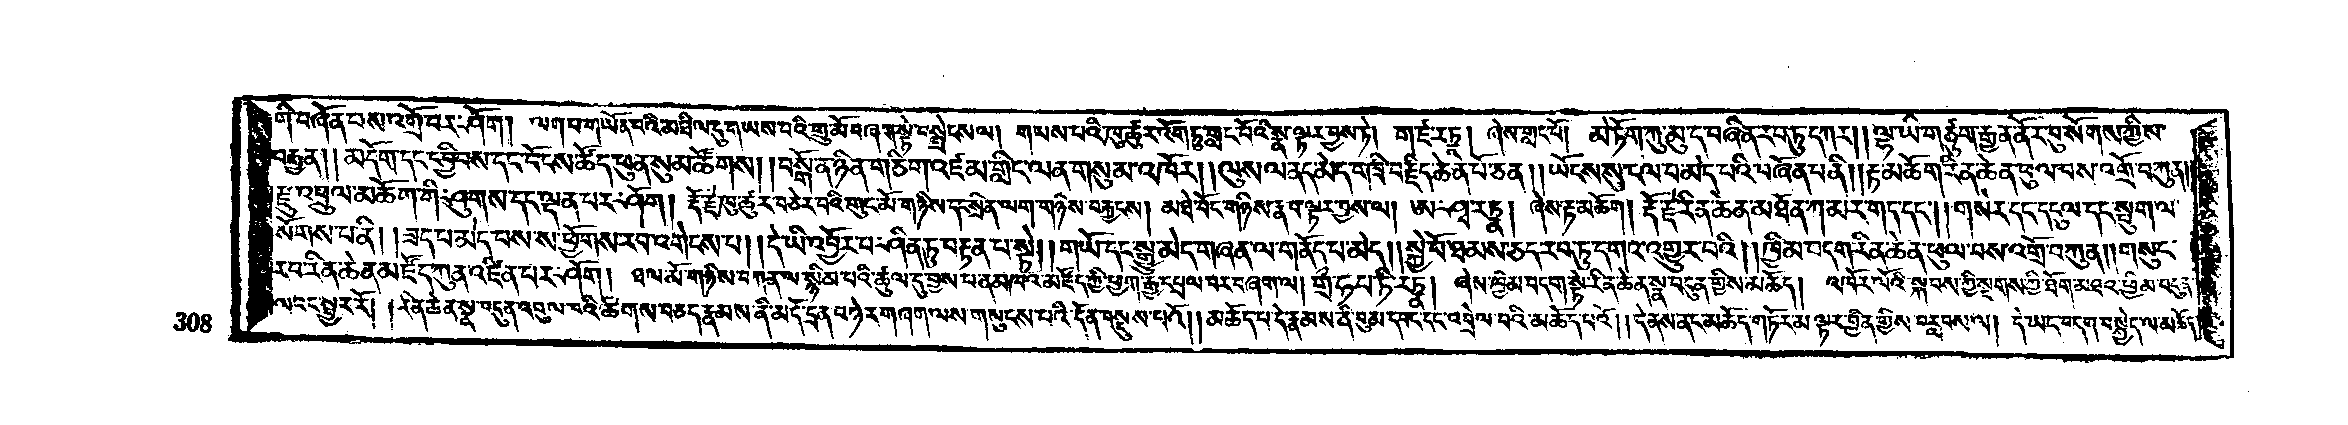གི་བཞོན་པས་འགྲོ་བར་ཤོག ། ལག་པ་གཡོན་པའི་མཐིལ་དུ་གཡས་པའི་གྲུ་མོ་བཞག་སྟེ་བསྒྲེངས་ལ། གཡས་པའི་ཁུ་ཚུར་འོག་ཏུ་གླང་པོའི་སྣ་ལྟར་བྱས་ཏེ།  ག་ཛ་རཏྣ། ཞེས་གླང་པོ།  མེ་ཏོག་ཀུ་མུ་ད་བཞིན་རབ་ཏུ་དཀར། །ལྷ་ཡི་གཙུག་རྒྱན་ནོར་བུ་སོགས་ཀྱིས་
བརྒྱན། །མདོག་དང་དབྱིབས་དང་བོངས་ཚོད་ཕུན་སུམ་ཚོགས། །བསྒོ་ན་ཉིན་གཅིག་འཛམ་གླིང་ལན་གསུམ་འཁོར། །ལུས་ལ་ནད་མེད་གཟི་བརྗིད་ཆེན་པོ་ཅན། །ཡོངས་སུ་ངལ་བ་མེད་པའི་བཞོན་པ་ནི། །རྟ་མཆོག་རིན་ཆེན་ཕུལ་བས་འགྲོ་བ་ཀུན།།
རྫུ་འཕྲུལ་མཆོག་གི་ཤུགས་དང་ལྡན་པར་ཤོག ། རྡོ་རྗེ་ཁུ་ཚུར་བཅེར་བའི་གུང་མོ་གཉིས་དང་སྲིན་ལག་གཉིས་བརྐྱངས། མཐེ་བོང་གཉིས་རྣ་བ་ལྟར་བྱས་ལ།  ཨ་ཤྭ་རཏྣ། ཞེས་རྟ་མཆོག་།རྡོ་རྗེ་རིན་ཆེན་མཐོན་ཀ་མར་གད་དང་། །གསེར་དང་དངུལ་དང་སྤུག་ལ་
སོགས་པ་ནི། །ཟད་པ་མེད་པས་ས་ཕྱོགས་རབ་འགེངས་པ། །དེ་ཡི་འབྱོར་པ་ཤིན་ཏུ་བརྟན་པ་སྟེ། །གཡོ་དང་སྒྱུ་མེད་གཞན་ལ་གནོད་པ་མེད། །སྐྱེ་བོ་ཐམས་ཅད་རབ་ཏུ་དགའ་འགྱུར་བའི། །ཁྱིམ་བདག་རིན་ཆེན་ཕུལ་བས་འགྲོ་བ་ཀུན། །གསུང་
རབ་རིན་ཆེན་མཛོད་ཀུན་འཛིན་པར་ཤོག ། ཐལ་མོ་གཉིས་བཀན་ལ་སྙིམ་པའི་ཚུལ་དུ་བྱས་པ་ནམ་མཁའ་མཛོད་ཀྱི་ཕྱག་རྒྱ་དཔྲལ་བར་བཞག་ལ།  གྲྀ་ཧ་པ་ཏི་རཏྣ། ཞེས་ཁྱིམ་བདག་སྟེ་རིན་ཆེན་སྣ་བདུན་གྱིས་མཆོད། འཁོར་ལོའི་སྐབས་ཀྱི་སྔགས་ཀྱི་ཐོག་མཐའ་ཕྱི་མ་བདུན་
ལའང་སྦྱར་རོ། །རིན་ཆེན་སྣ་བདུན་འབུལ་བའི་ཚིགས་བཅད་རྣམས་ནི་མདོ་དྲན་པ་ཉེར་གཞག་ལས་གསུངས་པའི་དོན་བསྡུས་པའོ། །མཆོད་པ་དེ་རྣམས་ནི་བུམ་དབང་དང་འབྲེལ་བའི་མཆོད་པའོ། །དེ་ནས་ནང་མཆོད་གཏོར་མ་ལྟར་བྱིན་གྱིས་བརླབས་ལ། དེ་ཡང་བདག་བསྐྱེད་ལ་མཆོད་